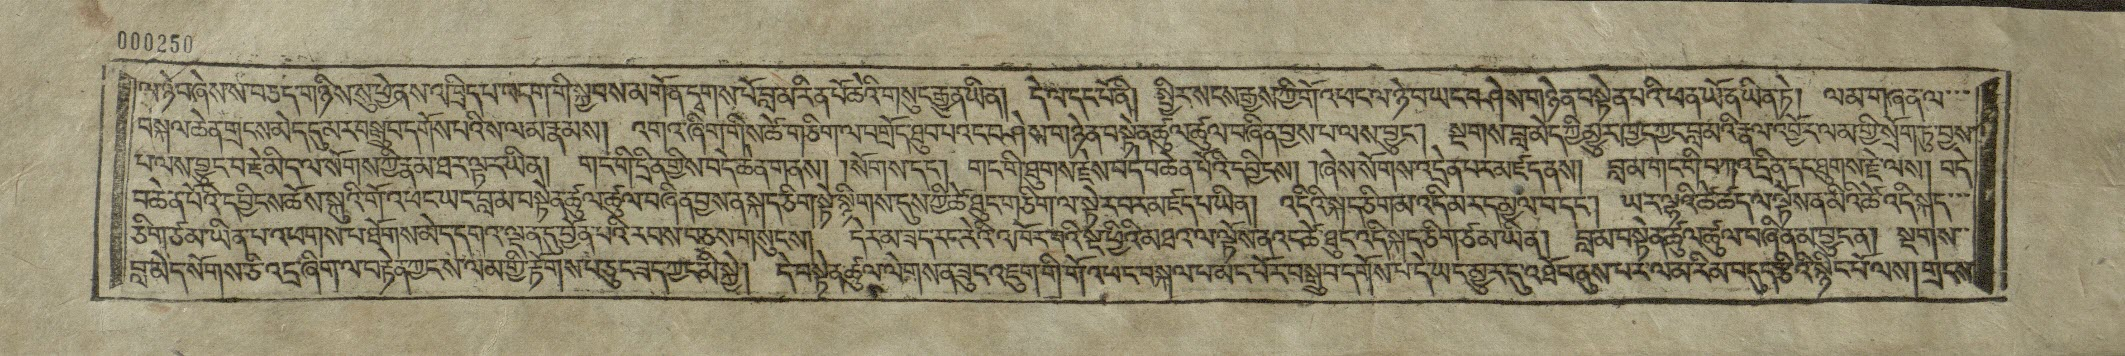ལ་ཉེ་བ་ཞེས་ས་བཅད་གཉིས་སུ་ཕྱེ་ནས་འཁྲིད་པ་བདག་གི་སྐྱབས་མགོན་དྭགས་པོ་བླ་མ་རིན་པོ་ཆེའི་གསུང་རྒྱུན་ཡིན། དེ་ལ་དང་པོ་ནི། སྤྱིར་སངས་རྒྱས་ཀྱི་གོ་འཕང་ལ་ཉེ་བ་ཡང་བཤེས་གཉེན་བསྟེན་པའི་ཕན་ཡོན་ཡིན་ཏེ། ལམ་གཞན་ལ་
བསྐལ་ཆེན་གྲངས་མེད་དུ་མར་བསྒྲུབ་དགོས་པའི་ས་ལམ་རྣམས། འགའ་ཞིག་གིས་ཚེ་གཅིག་ལ་བགྲོད་ཐུབ་པའང་བཤེས་གཉེན་བསྟེན་ཚུལ་ཚུལ་བཞིན་བྱས་པ་ལས་བྱུང་། སྔགས་བླ་མེད་ཀྱི་མྱུར་ཁྱད་ཀྱང་བླ་མའི་རྣལ་འབྱོར་ལམ་གྱི་སྲོག་ཏུ་བྱས་
པ་ལས་བྱུང་བ་རྗེ་མིད་ལ་སོགས་ཀྱི་རྣམ་ཐར་ལྟར་ཡིན། གང་གི་དྲིན་གྱིས་བདེ་ཆེན་གནས། །སོགས་དང་། གང་གི་ཐུགས་རྗེས་བདེ་བ་ཆེན་པོའི་དབྱིངས། །ཞེས་སོགས་འདྲེན་པར་མཛད་ནས། བླ་མ་གང་གི་བཀའ་དྲིན་དང་ཐུགས་རྗེ་ལས། བདེ་
བ་ཆེན་པོའི་དབྱིངས་ཆོས་སྐུའི་གོ་འཕང་ཡང་བླ་མ་བསྟེན་ཚུལ་ཚུལ་བཞིན་བྱས་ན་སྐད་ཅིག་སྟེ་སྙིགས་དུས་ཀྱི་ཚེ་ཐུང་གཅིག་ལ་སྟེར་བར་མཛད་པ་ཡིན། འདིའི་སྐད་ཅིག་མ་འདི་མར་དམྱལ་བ་དང་། ཡར་ལྷའི་ཚེ་ཚད་ལ་ལྟོས་ན་མིའི་ཚེ་འདི་སྐད་
ཅིག་ཙམ་ཡིན་པ་འཕགས་པ་ཐོགས་མེད་དགའ་ལྡན་དུ་བྱོན་པའི་རབས་བཅས་གསུངས། དེར་མ་ཟད་རང་རེའི་འཁོར་བའི་སྔ་ཕྱིའི་མཐའ་ལ་ལྟོས་ནའང་ཚེ་ཐུང་འདི་སྐད་ཅིག་ཙམ་ཡིན། བླ་མ་བསྟེན་ཚུལ་ཚུལ་བཞིན་མ་བྱུང་ན། སྔགས་
བླ་མེད་སོགས་ཅི་འདྲ་ཞིག་ལ་བརྟེན་ཀྱང་ས་ལམ་གྱི་རྟོགས་པ་ཅུང་ཟད་ཀྱང་མི་སྐྱེ། དེ་བསྟེན་ཚུལ་ལེགས་ན་ཟུང་འཇུག་གི་གོ་འཕང་བསྐལ་པ་མང་པོར་བསྒྲུབ་དགོས་པ་དེ་ཡང་མྱུར་དུ་འཐོབ་ནུས་པར་ལམ་རིམ་བདུད་རྩིའི་སྙིང་པོ་ལས། གྲངས་